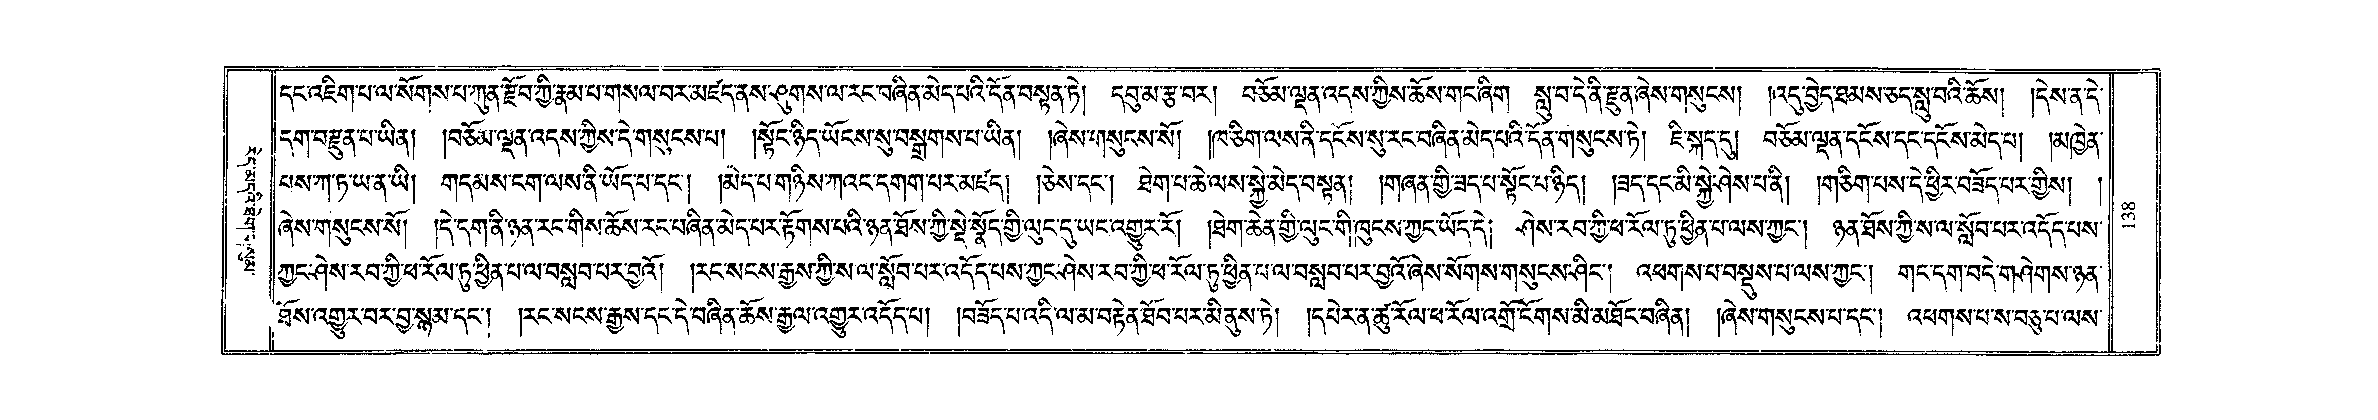དང་འཇིག་པ་ལ་སོགས་པ་ཀུན་རྫོབ་ཀྱི་རྣམ་པ་གསལ་བར་མཛད་ནས་ཤུགས་ལ་རང་བཞིན་མེད་པའི་དོན་བསྟན་ཏེ། དབུ་མ་རྩ་བར། བཅོམ་ལྡན་འདས་ཀྱིས་ཆོས་གང་ཞིག་སླུ་བ་དེ་ནི་རྫུན་ཞེས་གསུངས། །འདུ་བྱེད་ཐམས་ཅད་སླུ་བའི་ཆོས། །དེས་ན་དེ་
དག་བརྫུན་པ་ཡིན། །བཅོམ་ལྡན་འདས་ཀྱིས་དེ་གསུངས་པ། །སྟོང་ཉིད་ཡོངས་སུ་བསྒྲགས་པ་ཡིན། །ཞེས་གསུངས་སོ། །ཁ་ཅིག་ལས་ནི་དངོས་སུ་རང་བཞིན་མེད་པའི་དོན་གསུངས་ཏེ། ཇི་སྐད་དུ། བཅོམ་ལྡན་དངོས་དང་དངོས་མེད་པ། །མཁྱེན་
པས་ཀ་ཏ་ཡ་ན་ཡི། གདམས་ངག་ལས་ནི་ཡོད་པ་དང་། །མེད་པ་གཉིས་ཀའང་དགག་པར་མཛད། །ཅེས་དང་། ཐེག་པ་ཆེ་ལས་སྐྱེ་མེད་བསྟན། །གཞན་གྱི་ཟད་པ་སྟོང་པ་ཉིད། །ཟད་དང་མི་སྐྱེ་ཤེས་པ་ནི། །གཅིག་པས་དེ་ཕྱིར་བཟོད་པར་གྱིས། །
ཞེས་གསུངས་སོ། །དེ་དག་ནི་ཉན་རང་གིས་ཆོས་རང་བཞིན་མེད་པར་རྟོགས་པའི་ཉན་ཐོས་ཀྱི་སྡེ་སྣོད་གྱི་ལུང་དུ་ཡང་འགྱུར་རོ། །ཐེག་ཆེན་གྱི་ལུང་གི་ཁུངས་ཀྱང་ཡོད་དེ། ཤེས་རབ་ཀྱི་ཕ་རོལ་ཏུ་ཕྱིན་པ་ལས་ཀྱང་། ཉན་ཐོས་ཀྱི་ས་ལ་སློབ་པར་འདོད་པས་
ཀྱང་ཤེས་རབ་ཀྱི་ཕ་རོལ་ཏུ་ཕྱིན་པ་ལ་བསླབ་པར་བྱའོ། །རང་སངས་རྒྱས་ཀྱི་ས་ལ་སློབ་པར་འདོད་པས་ཀྱང་ཤེས་རབ་ཀྱི་ཕ་རོལ་ཏུ་ཕྱིན་པ་ལ་བསླབ་པར་བྱའོ་ཞེས་སོགས་གསུངས་ཤིང་། འཕགས་པ་བསྡུས་པ་ལས་ཀྱང་། གང་དག་བདེ་གཤེགས་ཉན་
ཐོས་འགྱུར་བར་བྱ་སྙམ་དང་། །རང་སངས་རྒྱས་དང་དེ་བཞིན་ཆོས་རྒྱལ་འགྱུར་འདོད་པ། །བཟོད་པ་འདི་ལ་མ་བརྟེན་ཐོབ་པར་མི་ནུས་ཏེ། །དཔེར་ན་ཚུ་རོལ་ཕ་རོལ་འགྲོ་ངོགས་མི་མཐོང་བཞིན། །ཞེས་གསུངས་པ་དང་། འཕགས་པ་ས་བཅུ་པ་ལས་